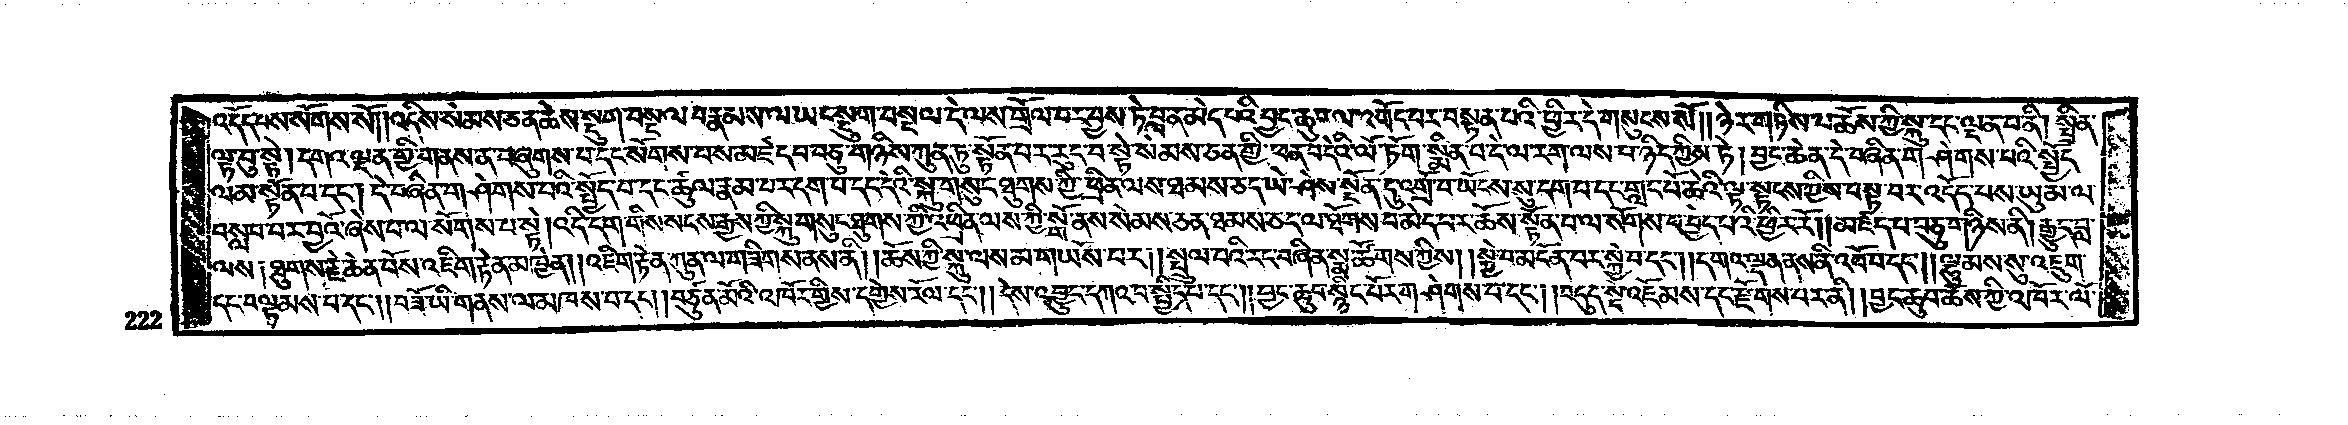འདོད་པས་སོགས་སོ། །འདིས་སེམས་ཅན་ཆེས་སྡུག་བསྔལ་བ་རྣམས་ལ་ཡང་སྡུག་བསྔལ་དེ་ལས་གྲོལ་བར་བྱས་ཏེ་བླ་ན་མེད་པའི་བྱང་ཆུབ་ལ་འགོད་པར་བསྟན་པའི་ཕྱིར་དེ་གསུངས་སོ། །ཉེར་གཉིས་པ་ཆོས་ཀྱི་སྐུ་དང་ལྡན་པ་ནི། སྤྲིན་
ལྟ་བུ་སྟེ། དགའ་ལྡན་གྱི་གནས་ན་བཞུགས་པ་དང་སོགས་པས་མཛད་པ་བཅུ་གཉིས་ཀུན་ཏུ་སྟོན་པར་རུང་བ་སྟེ་སེམས་ཅན་གྱི་ཕན་པ་དེའི་ལོ་ཏོག་སྨིན་པ་དེ་ལ་རག་ལས་པ་ཉིད་ཀྱིས་ཏེ། བྱང་ཆེན་དེ་བཞིན་གཤེགས་པའི་སྐྱོད་
ལམ་སྟོན་པ་དང་། དེ་བཞིན་གཤེགས་པའི་སྤྱོད་པ་དང་ཚུལ་རྣམ་པར་དག་པ་དང་དེའི་སྐུ་གསུང་ཐུགས་ཀྱི་ཕྲིན་ལས་ཐམས་ཅད་ཡེ་ཤེས་སྔོན་དུ་འགྲོ་བ་ཡོངས་སུ་དག་པ་དང་གླང་པོ་ཆེའི་ལྟ་སྟངས་ཀྱིས་བསྟན་བར་འདོད་པས་ཡུམ་ལ་
བསླབ་པར་བྱའོ་ཞེས་པ་ལ་སོགས་པ་སྟེ། འདི་དག་གིས་སངས་རྒྱས་ཀྱི་སྐུ་གསུང་ཐུགས་ཀྱི་འཕྲིན་ལས་ཀྱི་སྒོ་ནས་སེམས་ཅན་ཐམས་ཅད་ལ་ཐོགས་པ་མེད་པར་ཆོས་སྟོན་པ་ལ་སོགས་པ་བྱེད་པའི་ཕྱིར་རོ། །མཛད་པ་བཅུ་གཉིས་ནི། རྒྱུད་བླ་
ལས། ཐུགས་རྗེ་ཆེན་པོས་འཇིག་རྟེན་མཁྱེན། །འཇིག་རྟེན་ཀུན་ལ་གཟིགས་ནས་ནི། །ཆོས་ཀྱི་སྐུ་ལས་མ་གཡོས་པར། །སྤྲུལ་བའི་རང་བཞིན་སྣ་ཚོགས་ཀྱིས། །སྐྱེ་བ་མངོན་པར་སྐྱེ་བ་དང་། །དགའ་ལྡན་ནས་ནི་འཕོ་བ་དང་། །ལྷུམས་སུ་འཇུག་
དང་བལྟམས་པ་དང་། །བཟོ་ཡི་གནས་ལ་མཁས་པ་དང་། །བཙུན་མོའི་འཁོར་གྱིས་དགྱེས་རོལ་དང་། །དེས་འབྱུང་དཀའ་བ་སྤྱོད་པ་དང་། །བྱང་ཆུབ་སྙིང་པོར་གཤེགས་པ་དང་། །བདུད་སྡེ་འཇོམས་དང་རྫོགས་པར་ནི། །བྱང་ཆུབ་ཆོས་ཀྱི་འཁོར་ལོ་